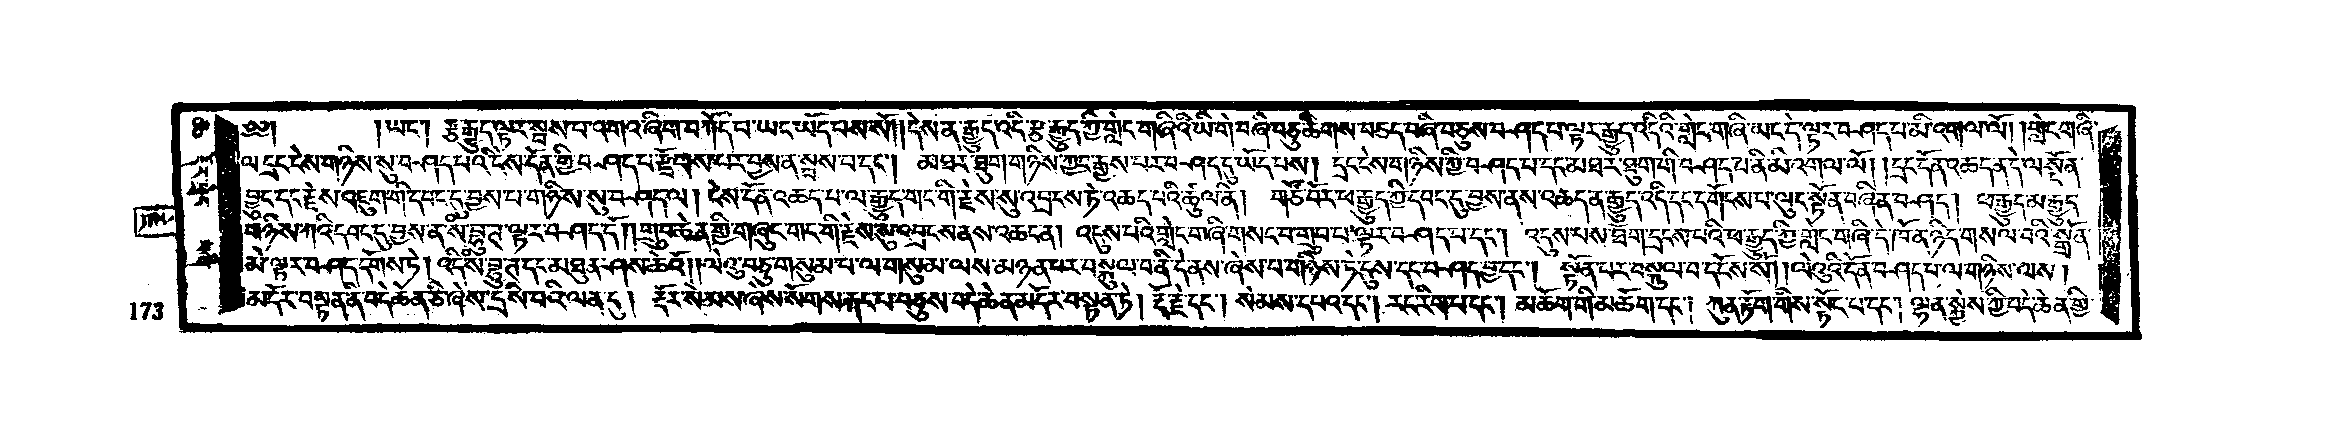༄༅། །ཡང་། རྩ་རྒྱུད་ལྟར་སྦས་པ་འགའ་ཞིག་བཀོད་པ་ཡང་ཡོད་པས་སོ། །དེས་ན་རྒྱུད་འདི་རྩ་རྒྱུད་ཀྱི་གླེང་གཞིའི་ཡི་གེ་བཞི་བཅུ་ཚིགས་བཅད་བཞི་བཅུས་བཤད་པ་ལྟར་རྒྱུད་འདིའི་གླེང་གཞི་ཡང་དེ་ལྟར་བཤད་པ་མི་འགལ་ལོ། །གླེང་གཞི་
ལ་དྲང་ངེས་གཉིས་སུ་བཤད་པའི་ངེས་དོན་གྱི་བཤད་པ་རྫོགས་པར་བྱས་ན་སྦས་པ་དང་། མཐར་ཐུག་གཉིས་ཀྱང་རྒྱས་པར་བཤད་དུ་ཡོད་པས། དྲང་ངེས་གཉིས་ཀྱི་བཤད་པ་དང་མཐར་ཐུག་གི་བཤད་པ་ནི་མི་འགལ་ལོ། །དྲང་དོན་འཆད་ན་དེ་ལ་སྔོན་
བྱུང་དང་རྗེས་འཇུག་གི་དབང་དུ་བྱས་པ་གཉིས་སུ་བཤད་ལ། ངེས་དོན་འཆད་པ་ལ་རྒྱུད་གང་གི་རྗེས་སུ་འབྲངས་ཏེ་འཆད་པའི་ཚུལ་ནི། གཙོ་བོར་ཕ་རྒྱུད་ཀྱི་དབང་དུ་བྱས་ནས་འཆད་ན་རྒྱུད་འདི་དང་དགོངས་པ་ལུང་སྟོན་བཞིན་བཤད། ཕ་རྒྱུད་མ་རྒྱུད་
གཉིས་ཀའི་དབང་དུ་བྱས་ན་སཾ་བྷུ་ཊ་ལྟར་བཤད་དོ། །གྲུབ་ཆེན་གྱི་གཞུང་གང་གི་རྗེས་སུ་འབྲངས་ནས་འཆད་ན། འདུས་པའི་གླེང་གཞི་གསང་བ་གྲུབ་པ་ལྟར་བཤད་པ་དང་། འདུས་པས་ཐོག་དྲངས་པའི་ཕ་རྒྱུད་ཀྱི་གླེང་གཞི་དེ་ཁོ་ན་ཉིད་གསལ་བའི་སྒྲོན་མེ་ལྟར་བཤད་དགོས་ཏེ། འདི་སཾ་བྷུ་ཊ་དང་མཐུན་ཤས་ཆེའོ། །ལེའུ་བཅུ་གསུམ་པ་ལ་གསུམ་ལས་མཉན་པར་བསྐུལ་བ་ནི་དེ་ནས་ཞེས་པ་གཉིས་ཏེ་དུས་དང་བཤད་བྱ་དང་། སྟོན་པར་བསྐུལ་བ་དངོས་སོ། །ལེའུའི་དོན་བཤད་པ་ལ་གཉིས་ལས།
མདོར་བསྟན་ནི་བདེ་ཆེན་ཅི་ཞེས་དྲིས་པའི་ལན་དུ། རྡོར་སེམས་ཞེས་སོགས་རྐང་པ་བཅུས་བདེ་ཆེན་མདོར་བསྟན་ཏེ། རྡོ་རྗེ་དང་། སེམས་དཔའ་དང་། རང་རིག་པ་དང་། མཆོག་གི་མཆོག་དང་། ཀུན་རྟོག་གིས་སྟོང་པ་དང་། ལྷན་སྐྱེས་ཀྱི་བདེ་ཆེན་གྱི་